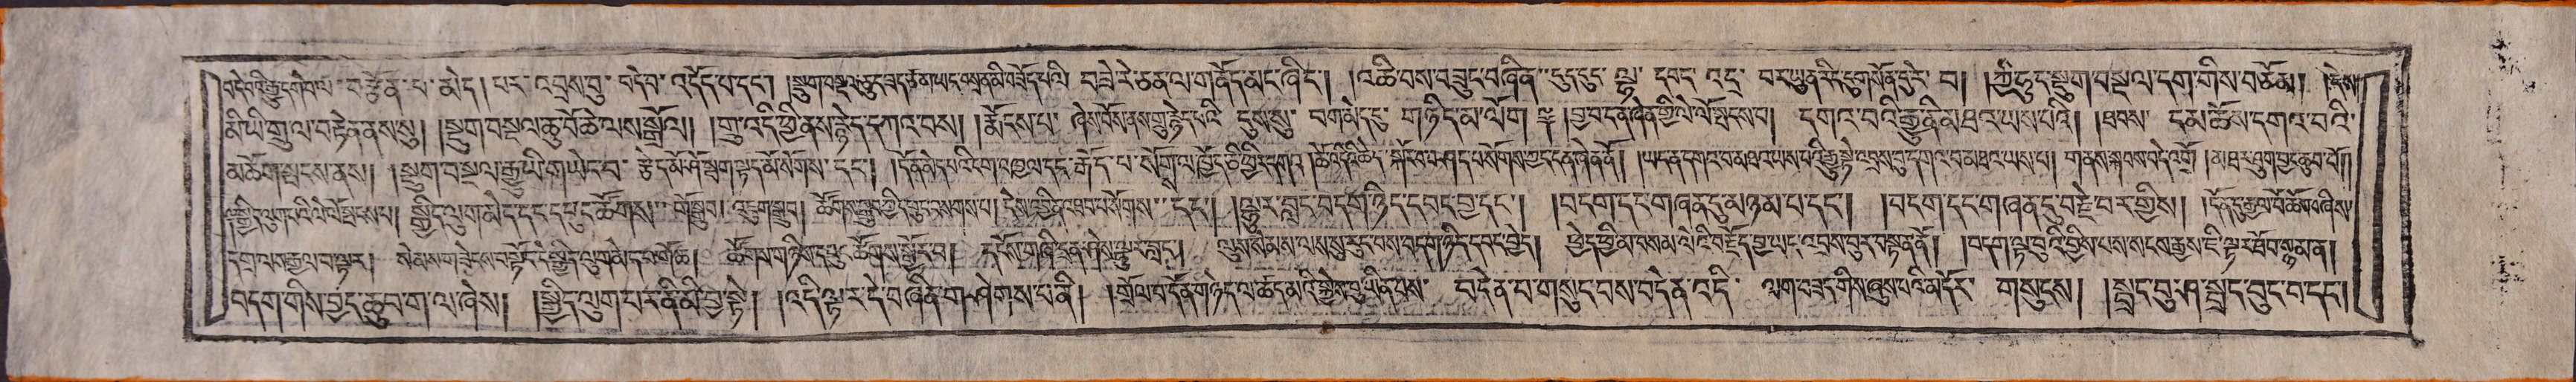བདེ་བའི་རྒྱུ་དགེ་བ་ལ་བརྩོན་པ་མེད་པར་འབྲས་བུ་བདེ་བ་འདོད་པ་དང་། །སྡུག་བསྔལ་ཅུང་ཟད་ཙམ་ཡང་བསྲན་མི་བཟོད་པའི་བཟེ་རེ་ཅན་ལ་གནོད་མང་ཞིང་། །འཆི་བས་བཟུང་བཞིན་དུད་དུང་ལྷ་དབང་འདྲ་བར་ཡུན་རིང་དུ་གསོན་དུ་རེ་བ། །ཀྱི་ཧུད་སྡུག་བསྔལ་དག་གིས་བཅོམ། །དེས་
མི་ཡི་གྲུ་ལ་བརྟེན་ནས་སུ། །སྡུག་བསྔལ་ཆུ་བོ་ཆེ་ལས་སྒྲོལ། །གྲུ་འདི་ཕྱི་ནས་རྙེད་དཀའ་བས། །རྨོངས་པ་ཞེས་བོས་ནས་གྲུ་རྙེད་པའི་དུས་སུ་བག་མེད་དུ་གཉིད་མ་ལོག ༈ །བྱ་བ་ངན་ཞེན་ཀྱི་ལེ་ལོ་སྤངས་པ། དགའ་བའི་རྒྱུ་ནི་མཐའ་ཡས་པའི། །ཐབས་དམ་ཆོས་དགའ་བའི་
མཆོག་སྤངས་ནས། །སྡུག་བསྔལ་རྒྱུ་ཡི་གཡེང་བ་རྩེད་མོ་ཤོ་སྤག་ལྟད་མོ་སོགས་དང་། །དོན་མེད་པའི་ངག་འཁྱལ་དང་རྒོད་པ་སོགས་ལ་ཁྱོད་ཅི་ཕྱིར་དགའ། །ཚེ་འདིའི་ཆེད་སྐོར་བ། བཤད་པ་སོགས་ཀྱང་ངན་ཞེན་ནོ། །ཡང་ན་དགའ་བ་མཐའ་ཡས་པའི་རྒྱུ་སྟེ་འབྲས་བུ་དགའ་བ་མཐའ་ཡས་པ། གནས་སྐབས་བདེ་འགྲོ། །མཐར་ཐུག་བྱང་ཆུབ་བོ། །
༈སྒྱིད་ལུག་པའི་ལེ་ལོ་སྤངས་པ། སྒྱིད་ལུག་མེད་དང་དཔུང་ཚོགས་གོ་སྒྲུབ། འཇུག་སྒྲུབ། ཚོགས་སྒྲུབ་ཀྱི་དབུང་བསགས་པ། ངེས་འབྱིན་འཐབ་པ་སོགས་དང་། །ལྷུར་བླང་བདག་ཉིད་དབང་བྱ་དང་། །བདག་དང་གཞན་དུ་མཉམ་པ་དང་། །བདག་དང་གཞན་དུ་བརྗེ་བར་གྱིས། །དོན་དུ་རྒྱལ་པོ་ཆོས་བཞིས་
དགྲ་ལས་རྒྱལ་བ་ལྟར། སེམས་གཟེངས་བསྟོད་དེ་སྒྱིད་ལུག་མེད་པ་གོ་ཆ། ཚོགས་གཉིས་དཔུང་ཚོགས་སྦྱོར་བ། དངོས་གཞི་ངན་ཤེས་ལྷུར་བླང་། ལུས་སེམས་ལས་སུ་རུང་བས་བདག་ཉིད་དབང་བྱེད། ཕྱེད་ཕྱི་མ་བསམ་ལེའི་བརྗོད་བྱ་ཡང་འབྲས་བུར་བསྟན་ནོ། །བདག་ལྟ་བུའི་བྱིས་བས་སངས་རྒྱས་ཇི་ལྟར་ཐོབ་སྙམ་ན།
བདག་གིས་བྱང་ཆུབ་ག་ལ་ཞེས། །སྒྱིད་ལུག་པར་ནི་མི་བྱ་སྟེ། །འདི་ལྟར་དེ་བཞིན་གཤེགས་པ་ནི། །གྲོལ་བ་དོན་གཉེར་ལ་ཚད་མའི་སྐྱེས་བུ་ཡིན་པས། བདེན་པ་གསུང་བས་བདེན་འདི་ལག་བཟང་གིས་ཞུས་པའི་མདོར་གསུངས། །སྦྲང་བུ་ཤ་སྦྲང་བུང་བ་དང་།